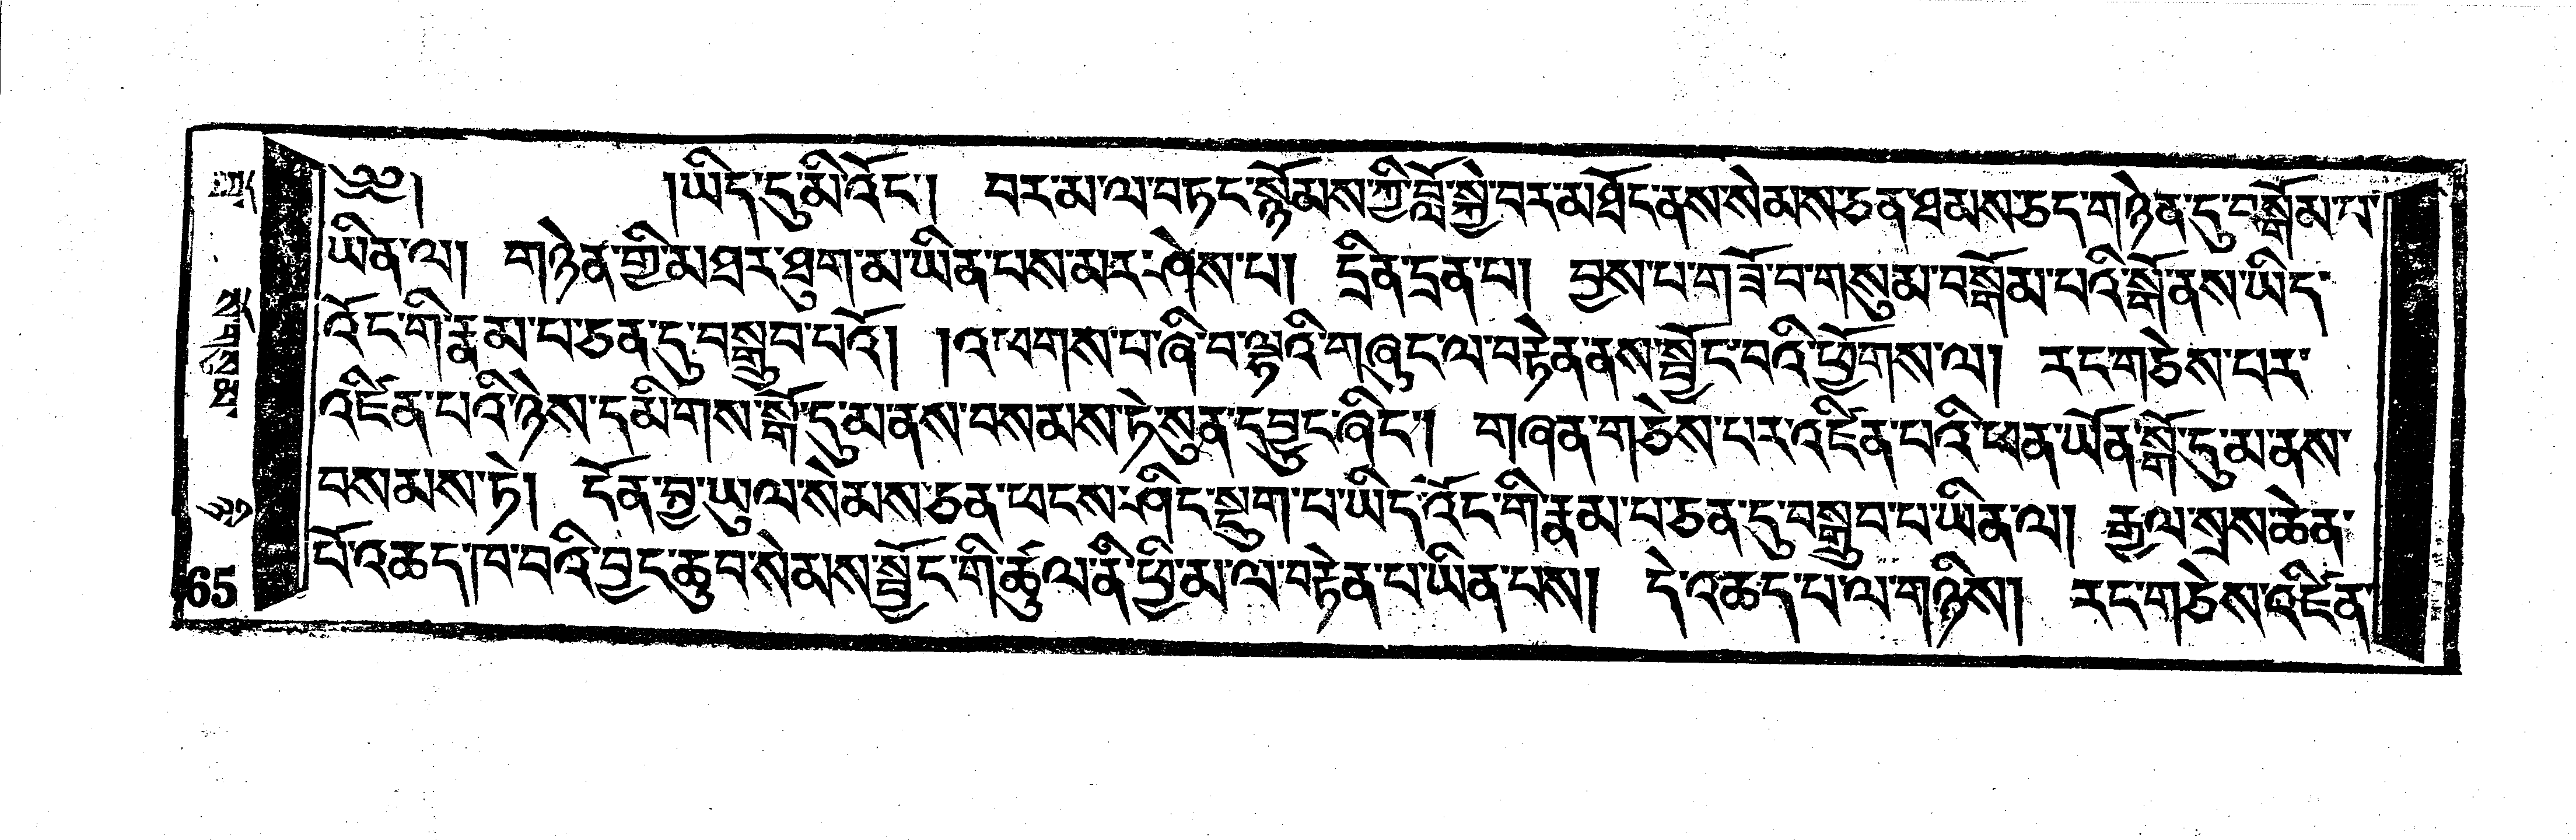༄༅། །ཡིད་དུ་མི་འོང་། བར་མ་ལ་བཏང་སྙོམས་ཀྱི་བློ་སྐྱེ་བར་མཐོང་ནས་སེམས་ཅན་ཐམས་ཅད་གཉེན་དུ་བསྒོམ་པ་
ཡིན་ལ། གཉེན་གྱི་མཐར་ཐུག་མ་ཡིན་པས་མར་ཤེས་པ། དྲིན་དྲན་པ། བྱས་པ་གཟོ་བ་གསུམ་བསྒོམ་པའི་སྒོ་ནས་ཡིད་
འོང་གི་རྣམ་པ་ཅན་དུ་བསྒྲུབ་པའོ། །འཕགས་པ་ཞི་བ་ལྷའི་གཞུང་ལ་བརྟེན་ནས་སྦྱོང་བའི་ཕྱོགས་ལ། རང་གཅེས་པར་
འཛིན་པའི་ཉེས་དམིགས་སྒོ་དུ་མ་ནས་བསམས་ཏེ་སུན་དབྱུང་ཞིང་། གཞན་གཅེས་པར་འཛིན་པའི་ཕན་ཡོན་སྒོ་དུ་མ་ནས་
བསམས་ཏེ། དོན་བྱ་ཡུལ་སེམས་ཅན་ཕངས་ཤིང་སྡུག་པ་ཡིད་འོང་གི་རྣམ་པ་ཅན་དུ་བསྒྲུབ་པ་ཡིན་ལ། རྒྱལ་སྲས་ཆེན་
པོ་འཆད་ཁ་བའི་བྱང་ཆུབ་སེམས་སྦྱོང་གི་ཚུལ་ནི་ཕྱི་མ་ལ་བརྟེན་པ་ཡིན་པས། དེ་འཆད་པ་ལ་གཉིས། རང་གཅེས་འཛིན་